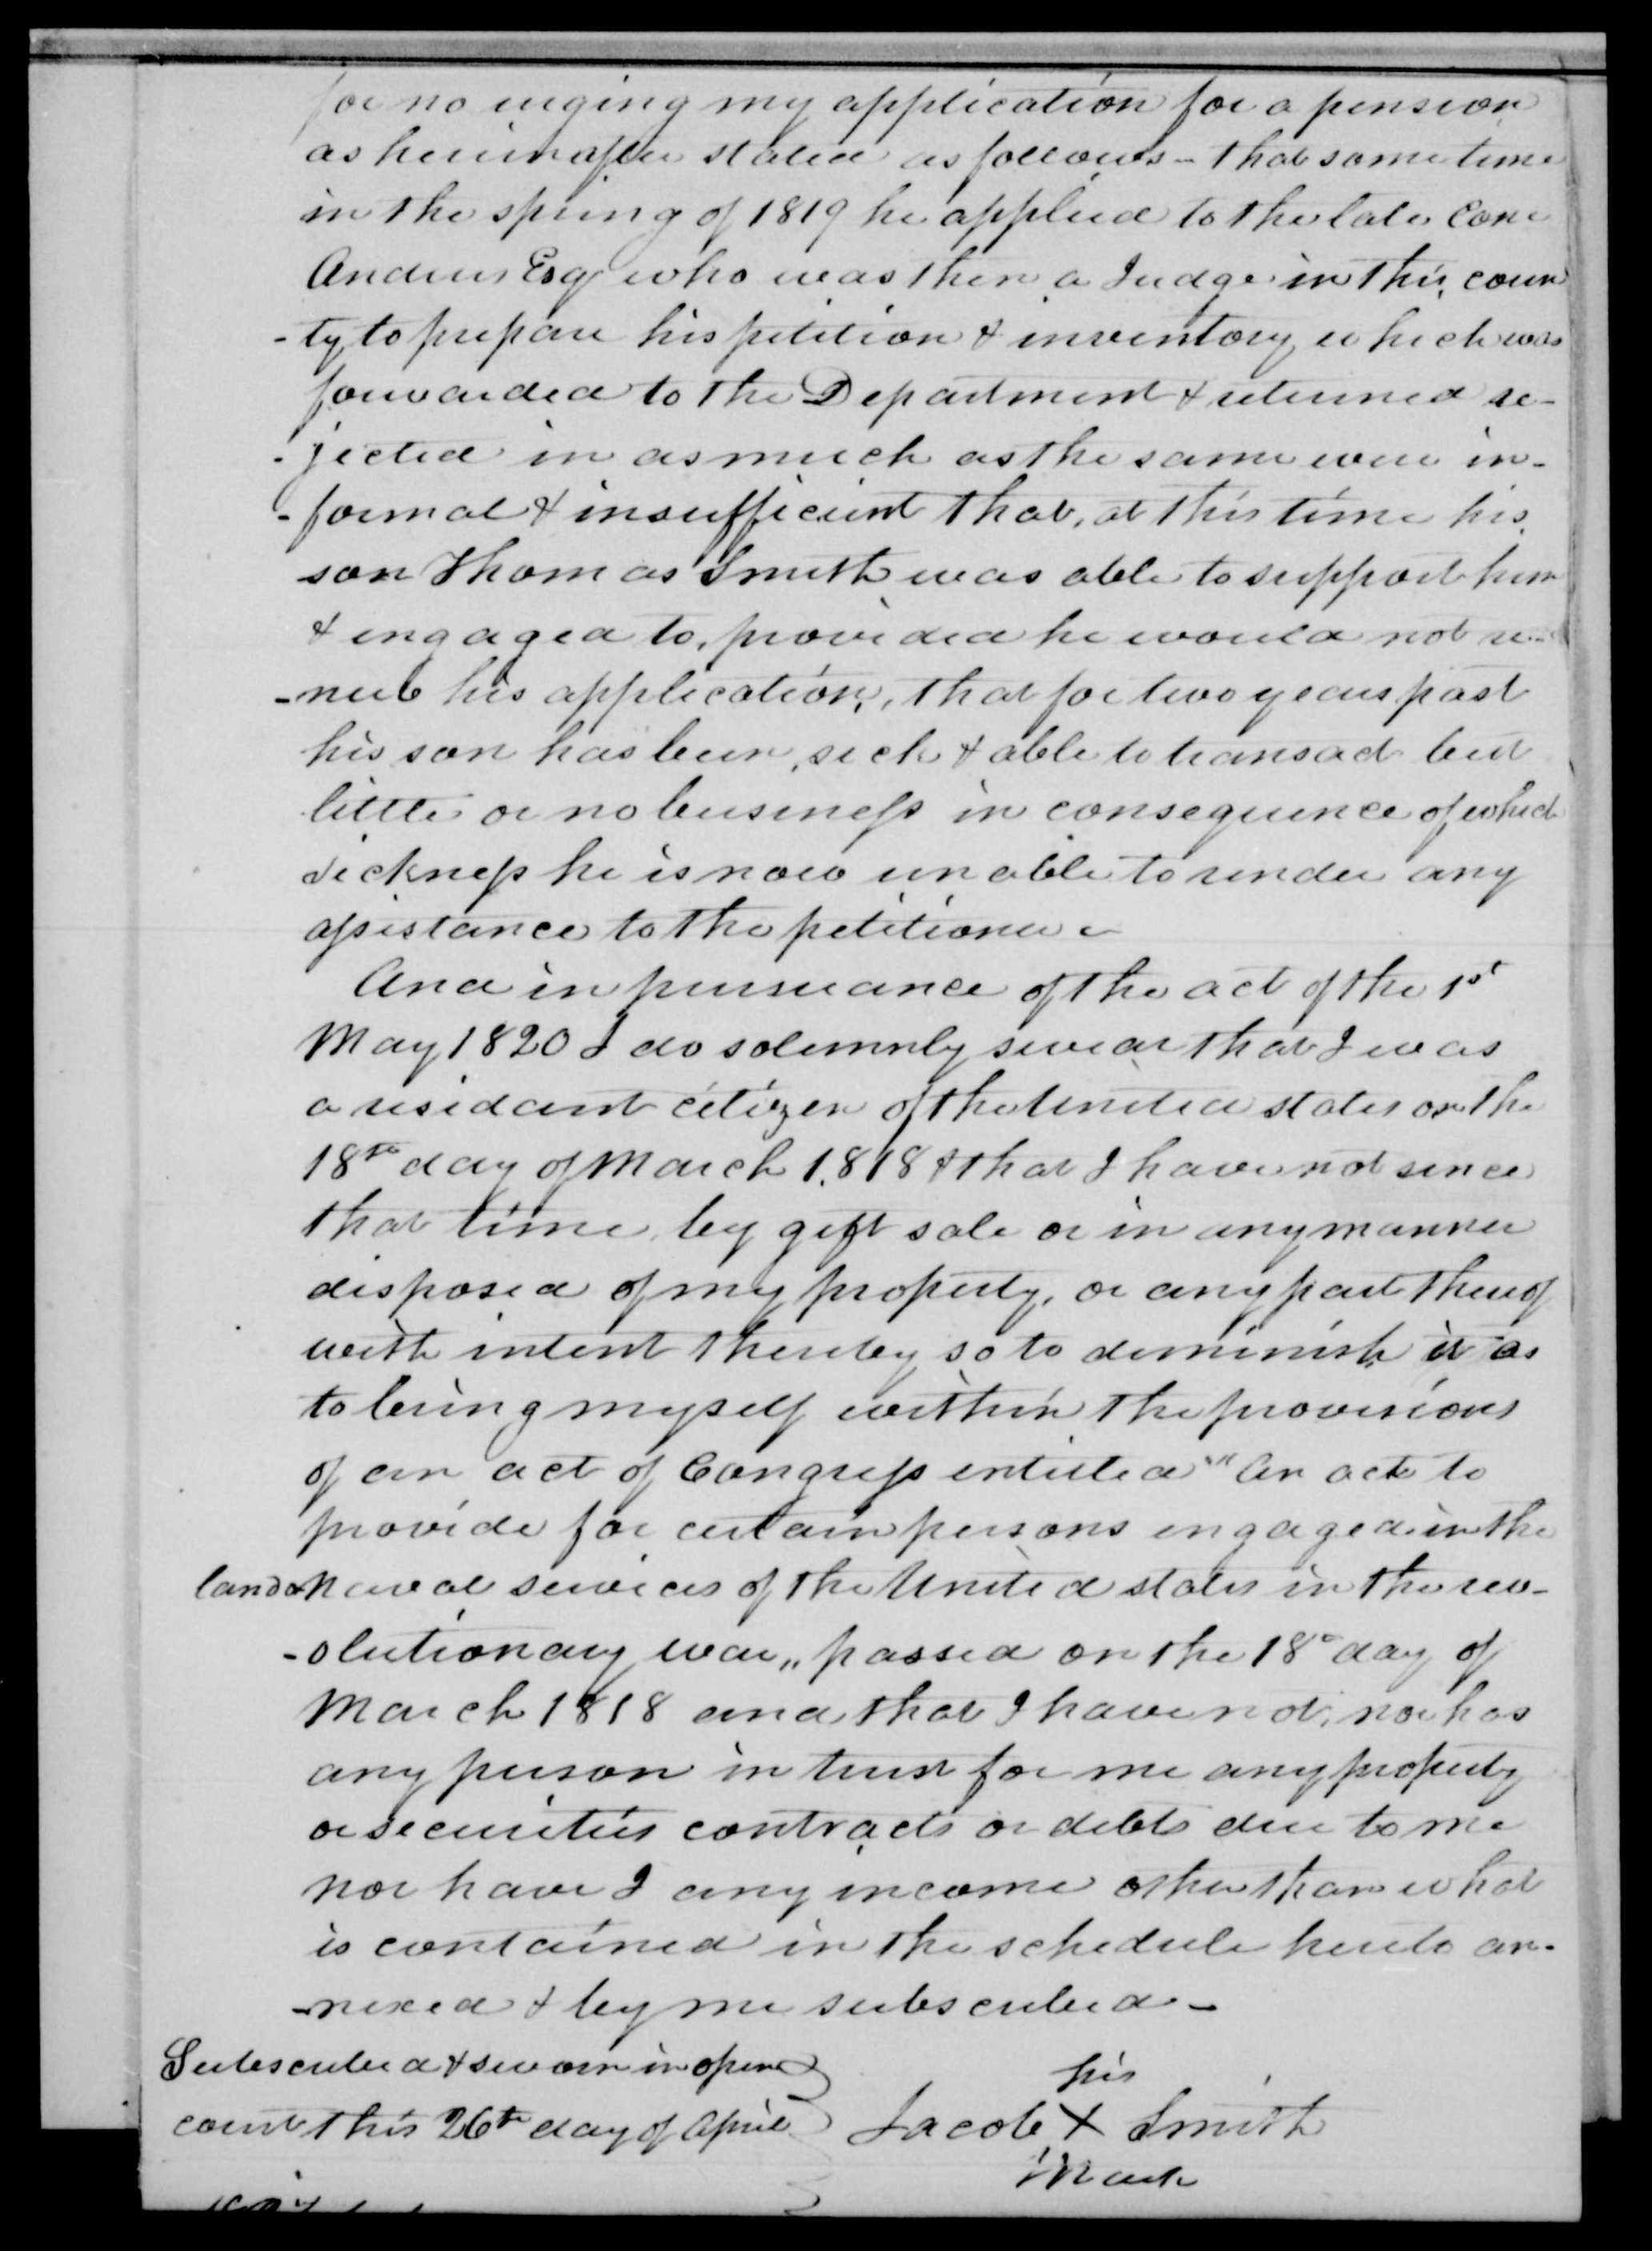for no [illegible] my application for a pension as hereinafter stated as follows - that some time in the spring of 1819 he applied to the late Cone Andrus Esq who was then a Judge in this county to prepare his petition & inventory which was forwarded to the Department & returned rejected in as much as the same was informal & insufficient that, at this time his son Thomas Smith was able to support him & engaged to, provided he would not renew his application, that for two years past his son has been sick & able to transact but little or no business in consequence of which sickness he is now unable to render any assistance to the petitioner - And in pursuance of the act of the 1st May 1820 I do solemnly swear that I was a resident citizen of the United States on the 18th day of March 1818 & that I have not since that time by gift sale or in any manner disposed of my property, or any part thereof with intent thereby so to diminish it as to bring myself within the provisions of an act of Congress entitled "An act to provide for certain persons engaged in the land or naval services of the United States in the revolutionary war" passed on the 18th day of March 1818 and that I have not, nor has any person in trust for me any property or securities contracts or debts due to me nor have I any income other than what is contained in the schedule hereto annexed & by me subscribed -
Subscribed & sworn in open court this 26th day of April [further writing is illegible] }
        his
Jacob X Smith
       Mark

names: Thomas Smith; Jacob Smith; Cone Andrus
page: 5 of 15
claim: survivor's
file: S. 43157, for Jacob Smith, Vermont